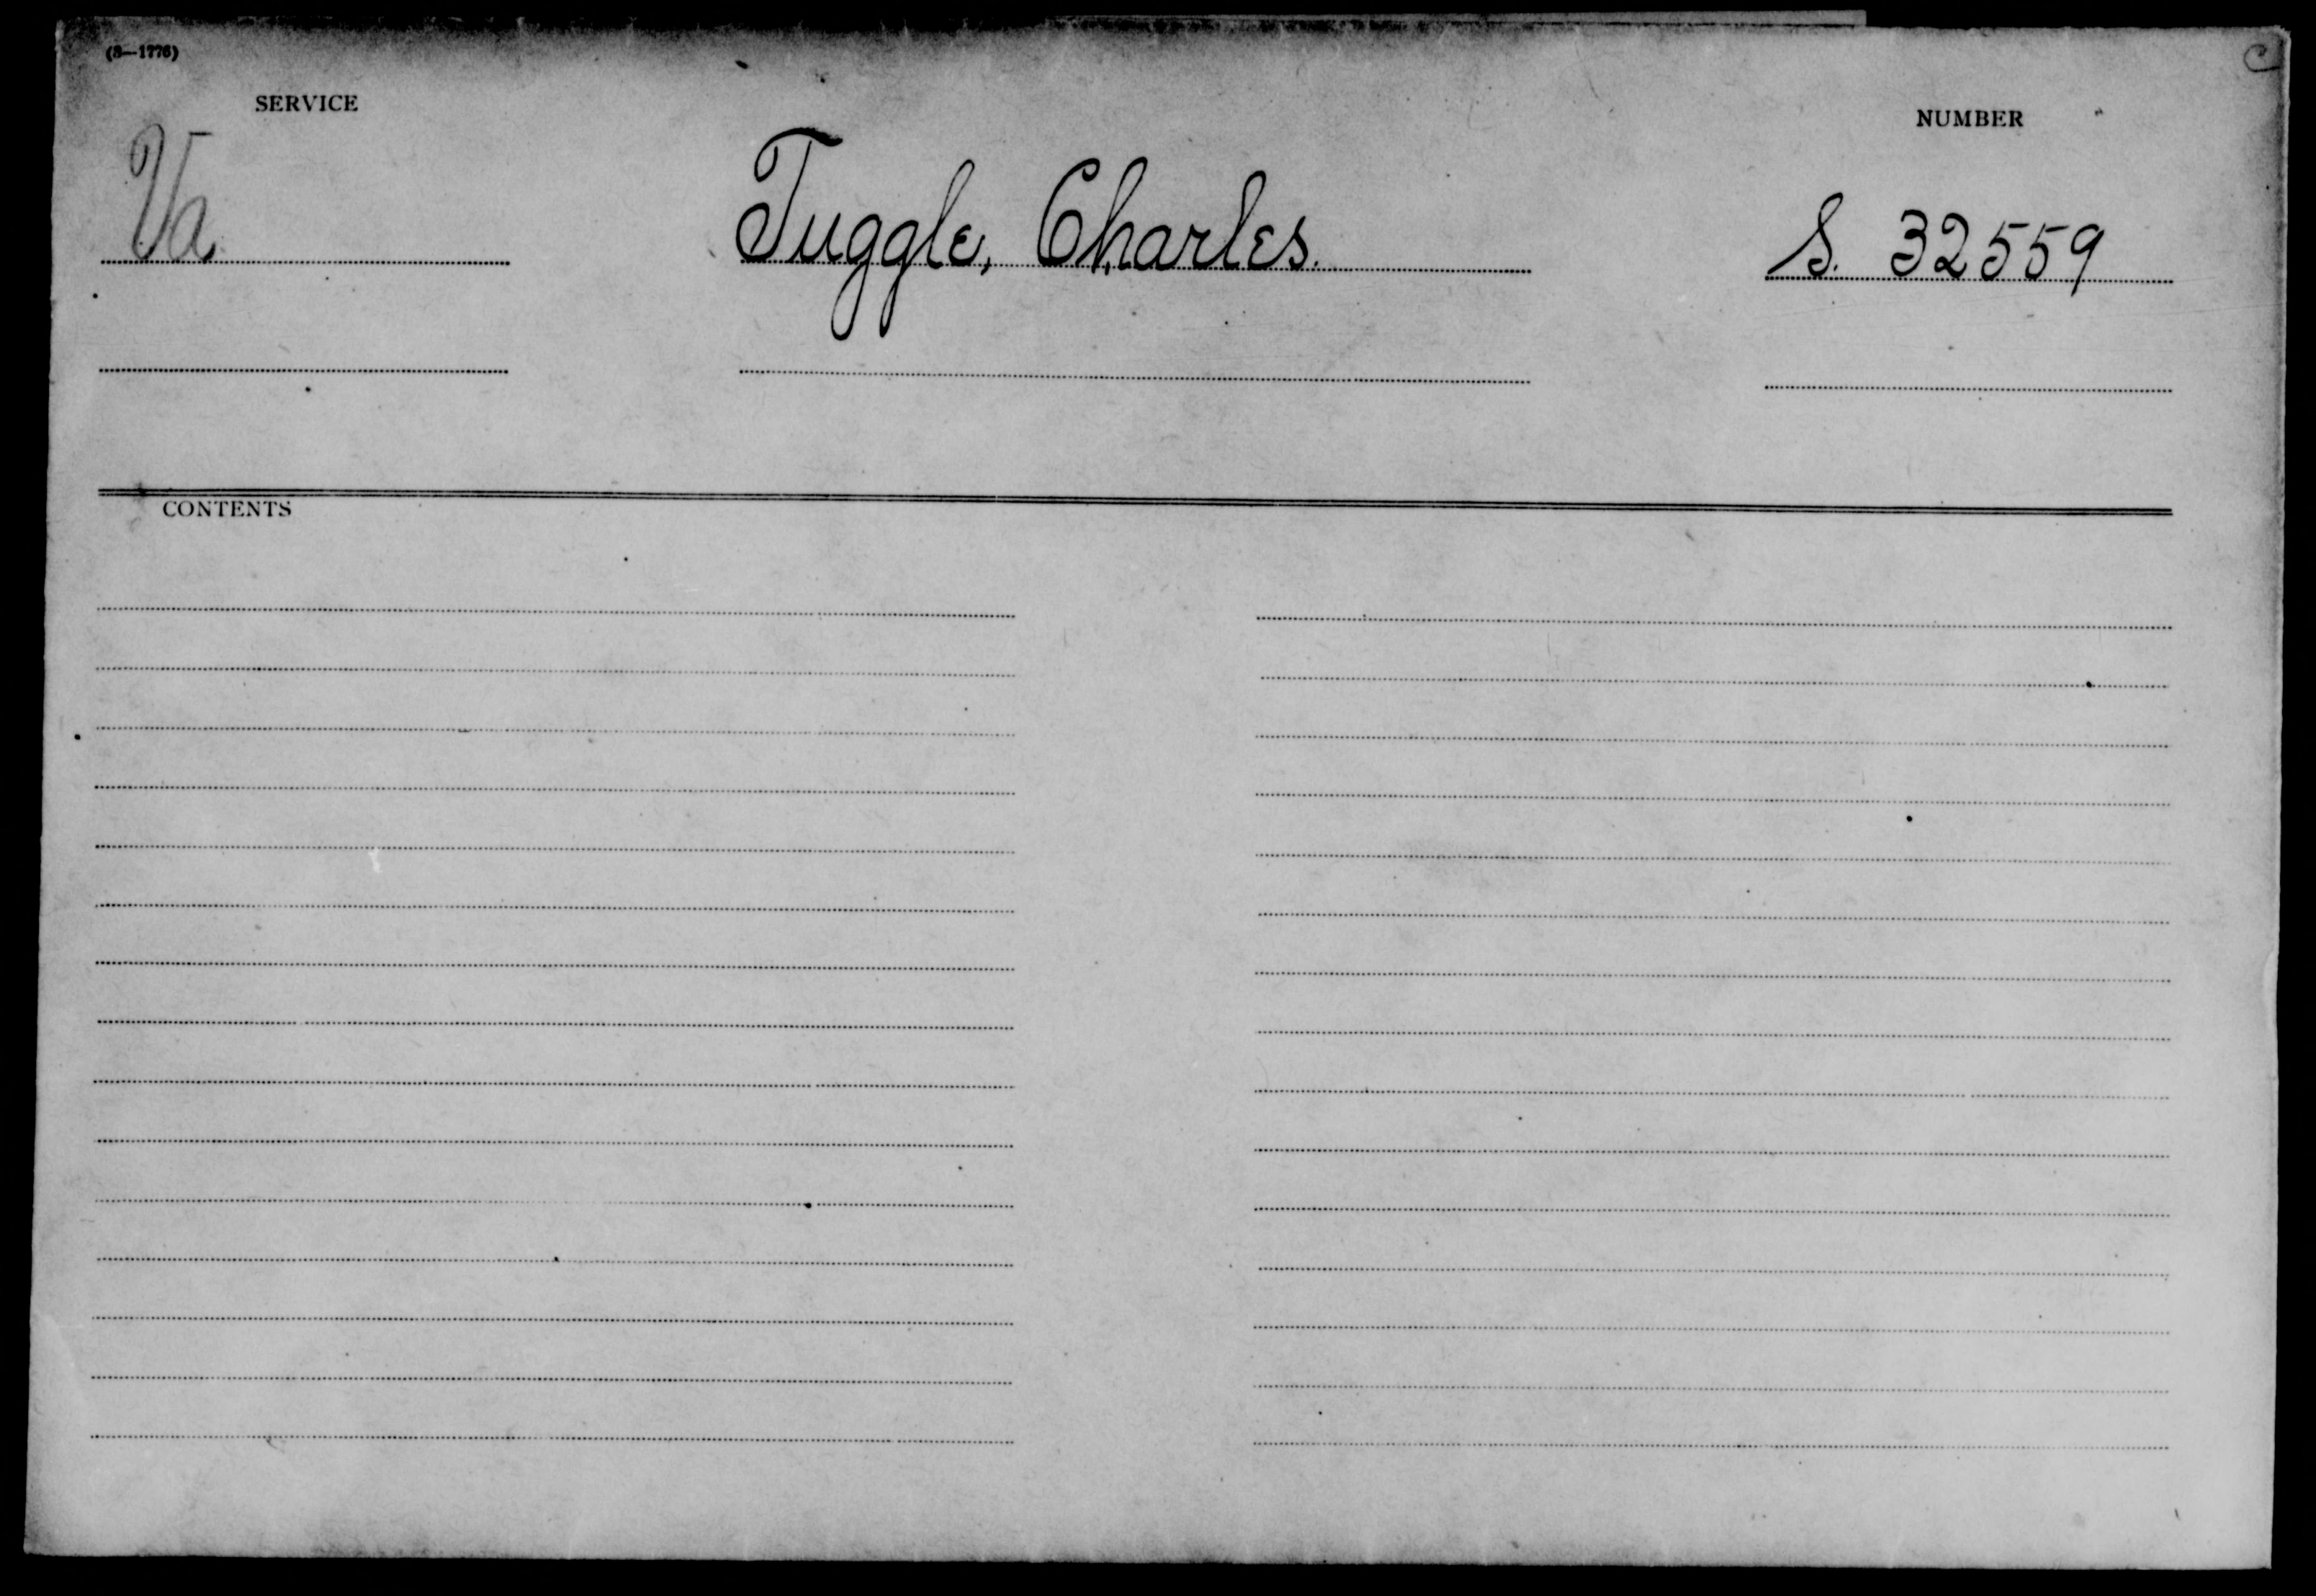SERVICE
Va
Tuggle, Charles
NUMBER
S. 32559
CONTENTS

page: 1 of 23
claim: survivor's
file: S. 32559, Charles Tuggle, Va.